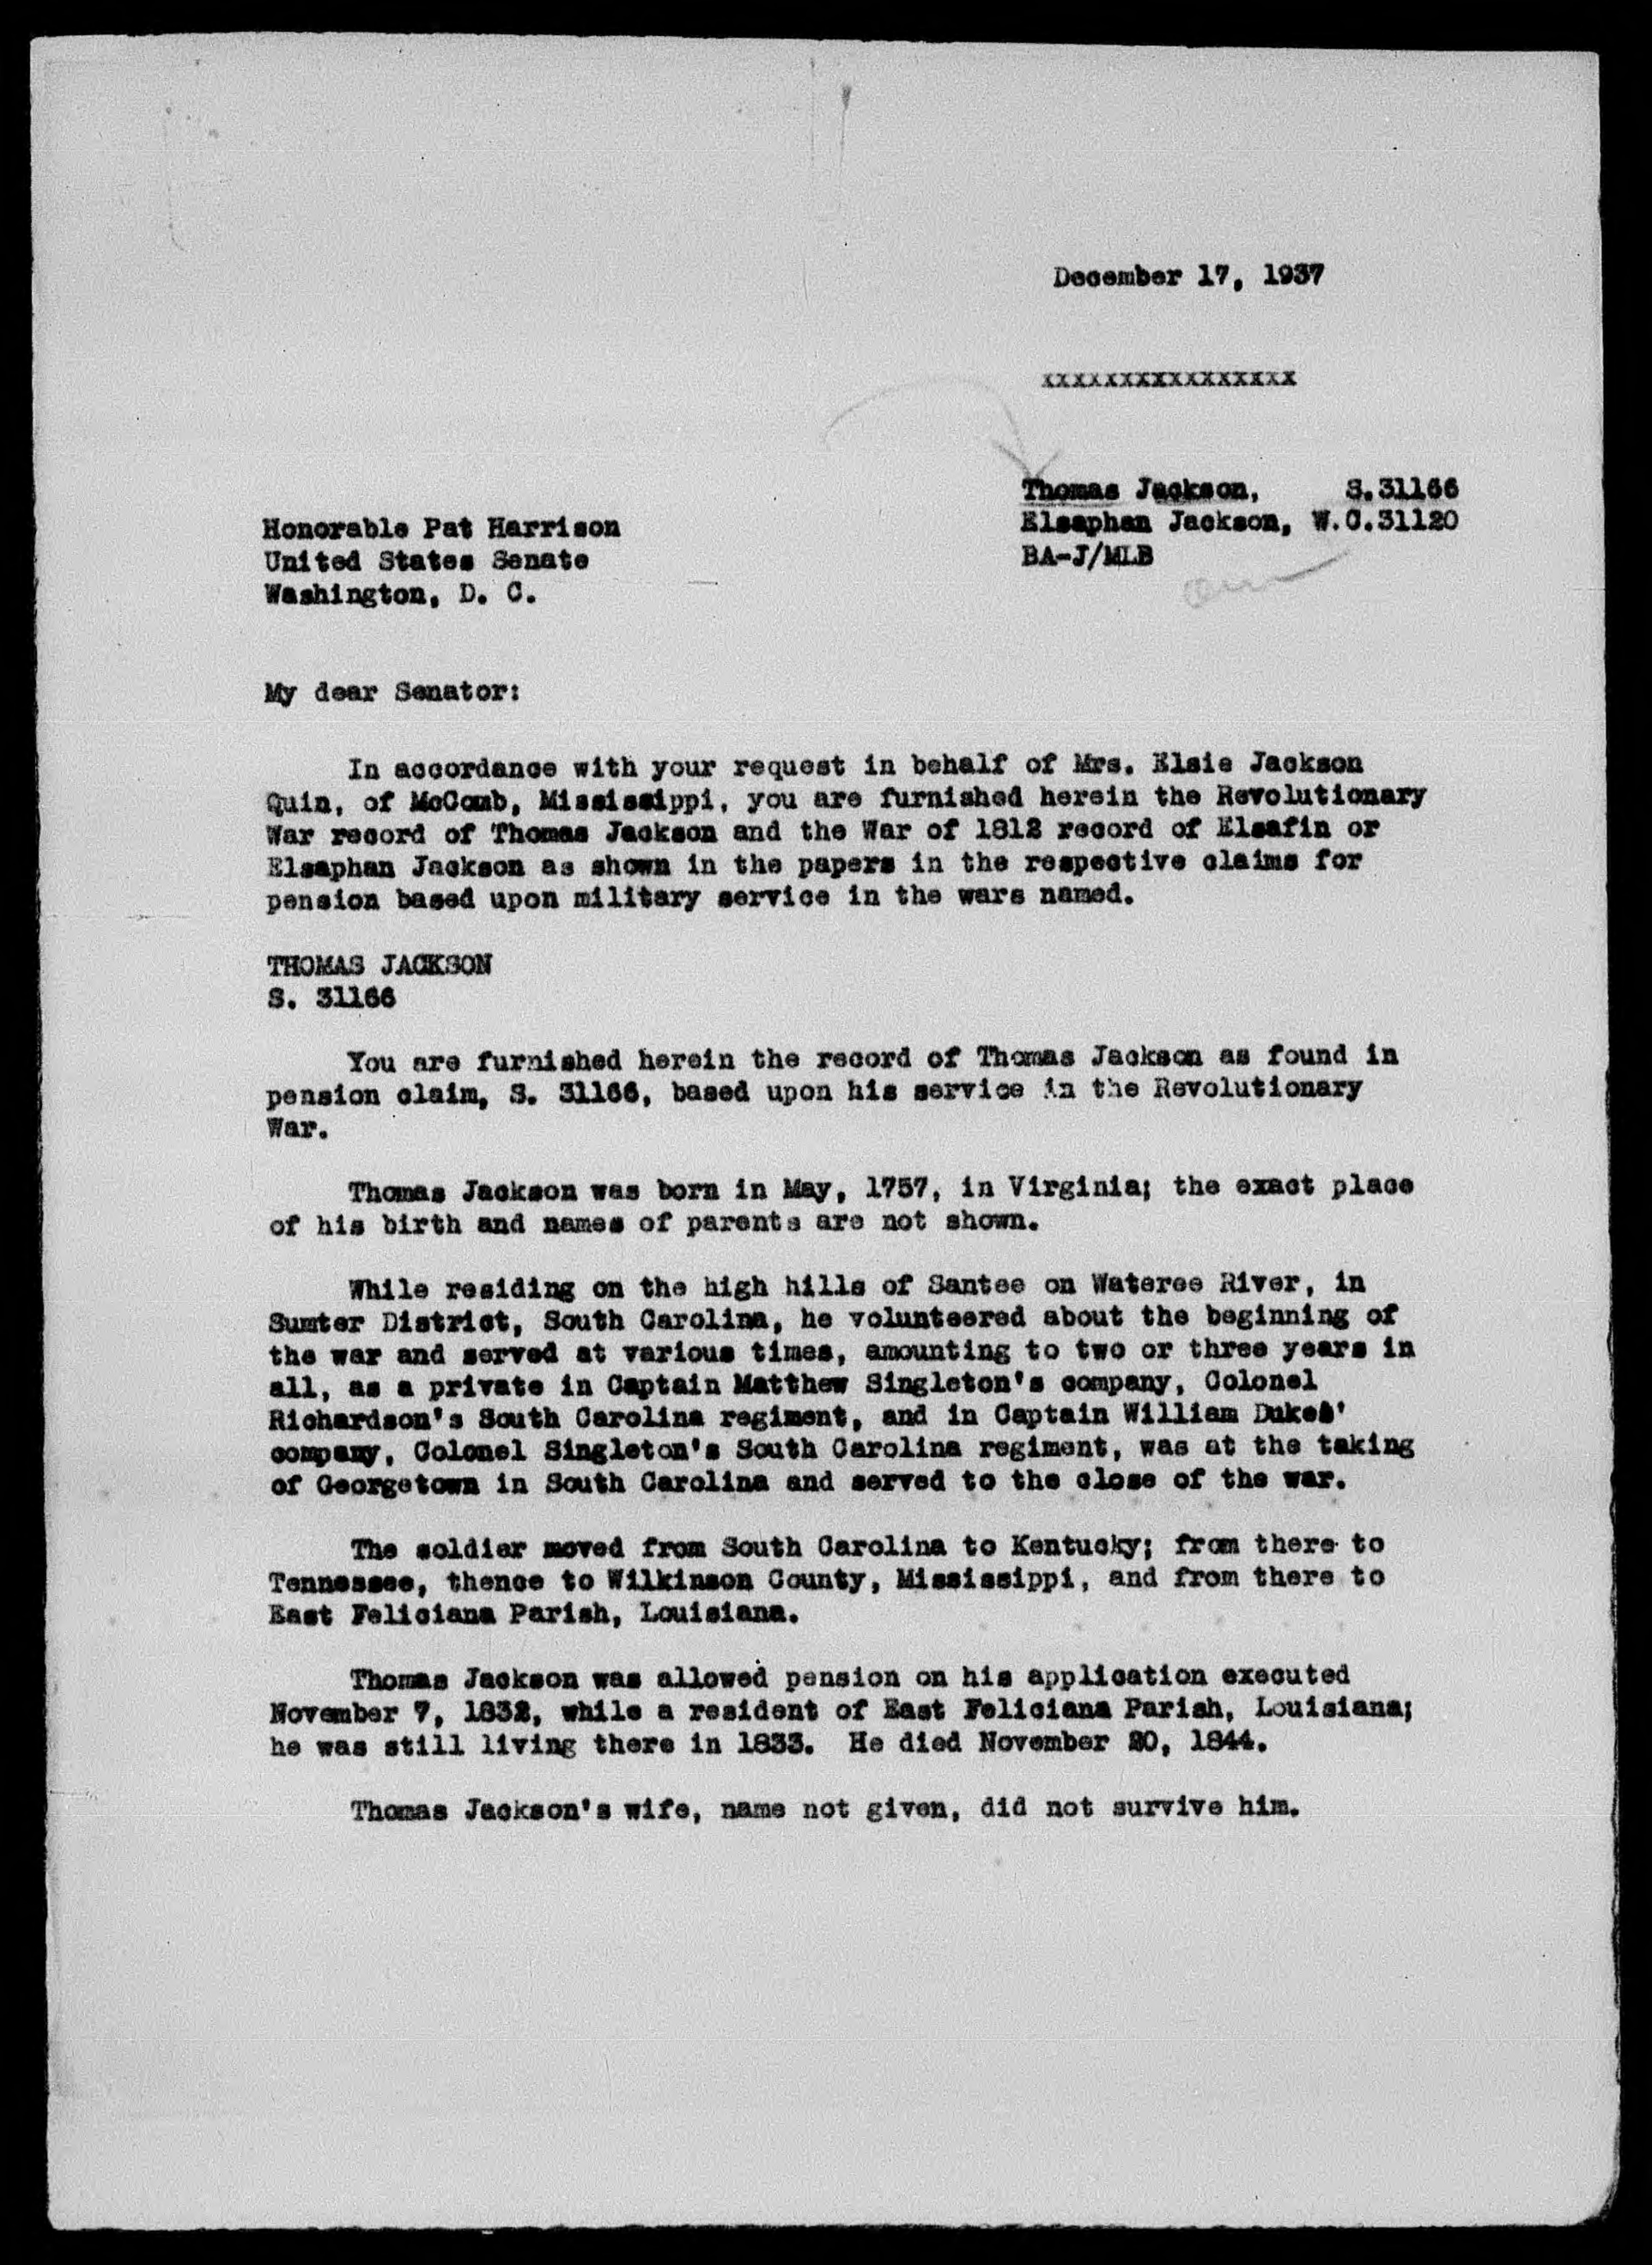December 17, 1937
XXXXXXXXXXXXXXXX
Thomas Jackson, S. 31166
Elsaphan Jackson, W.C.31120
BA-J/MLB

Honorable Pat Harrison
United States Senate
Washington, D. C.
My dear Senator:

In accordance with your request in behalf of Mrs. Elsie Jackson
Quin of McComb, Mississippi, you are furnished herein the Revolutionary War
record of Thomas Jackson and the War of 1812 record of Elsafin or
Elsaphan Jackson as shown in the papers in the respective claims for
pension based upon military service in the wars named.

THOMAS JACKSON
S. 31166
You are furnished herein the record of Thomas Jackson as found in
pension claim, S. 31166, based upon his service in the Revolutionary War.

Thomas Jackson was born in May, 1757, in Virginia; the exact place
of his birth and names of parents are not shown.

While residing on the high hills of Santee on Wateree River, in
Sumter District, South Carolina, he volunteered about the beginning of
the war and served at various times, amounting to two or three years in
all, as a private in Captain Matthew Singleton's company, Colonel
Richardson's South Carolina regiment, and in Captain William Dukes'
company, Colonel Singleton's South Carolina regiment, was at the taking
of Georgetown in South Carolina and served to the close of the war.

The soldier moved from South Carolina to Kentucky; from there to
Tennessee, thence to Wilkinson County, Mississippi, and from there to
East Feliciana Parish, Louisiana.

Thomas Jackson was allowed pension on his application executed
November 7, 1832, while a resident of East Feliciana Parish, Louisiana,
he was still living there in 1833. He died November 20, 1844.

Thomas Jackson's wife, name not given, did not survive him.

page: 49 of 54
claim: survivor's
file: S. 31166, for Thomas Jackson, South Carolina